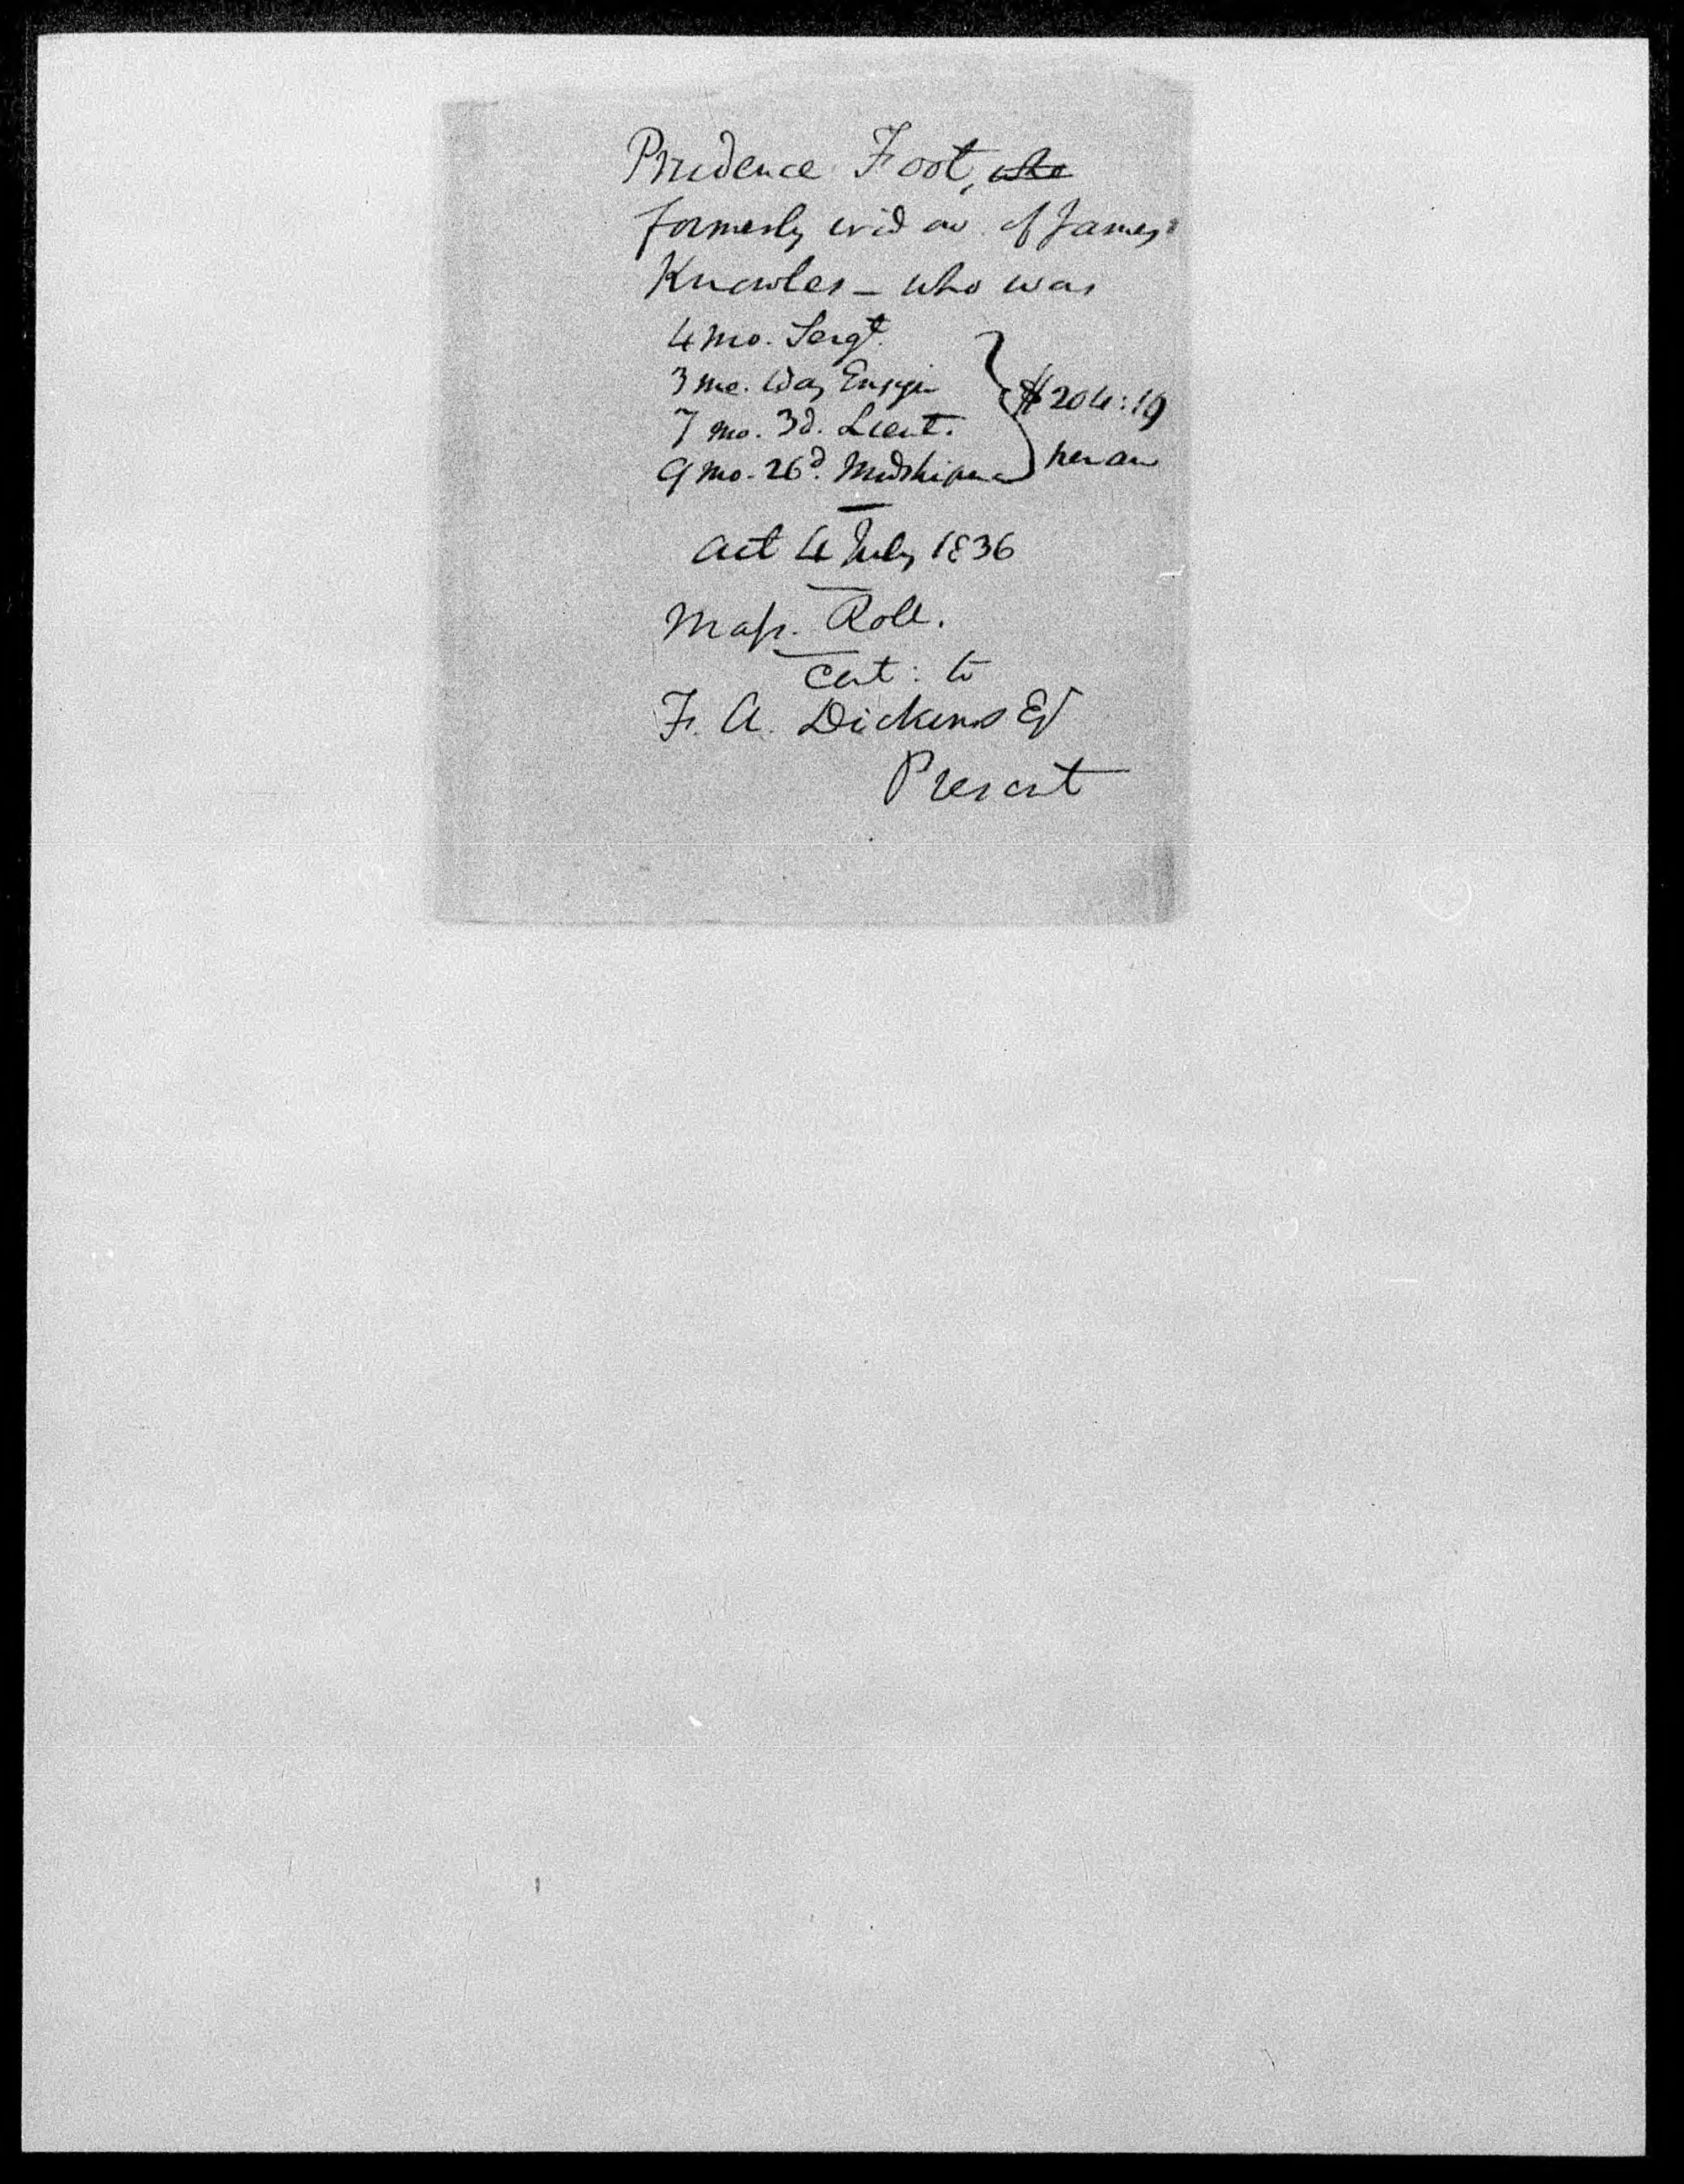Prudence Foot, 
Formerly widow of James Knowles--who was
4 mo. Sergt.
3 mo. 1 day Ensign
7 mo. 3d. Lieut.
9 mo. 26d. Midshipman} $206:19 per an

Act 4 July 1836

Mass. Roll.
cert: to F. A. Dickins Esq
Present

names: James Knowles; Prudence Foot; F A Dickins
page: 54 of 60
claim: widow's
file: W. 14,036, for James Knowles, Connecticut